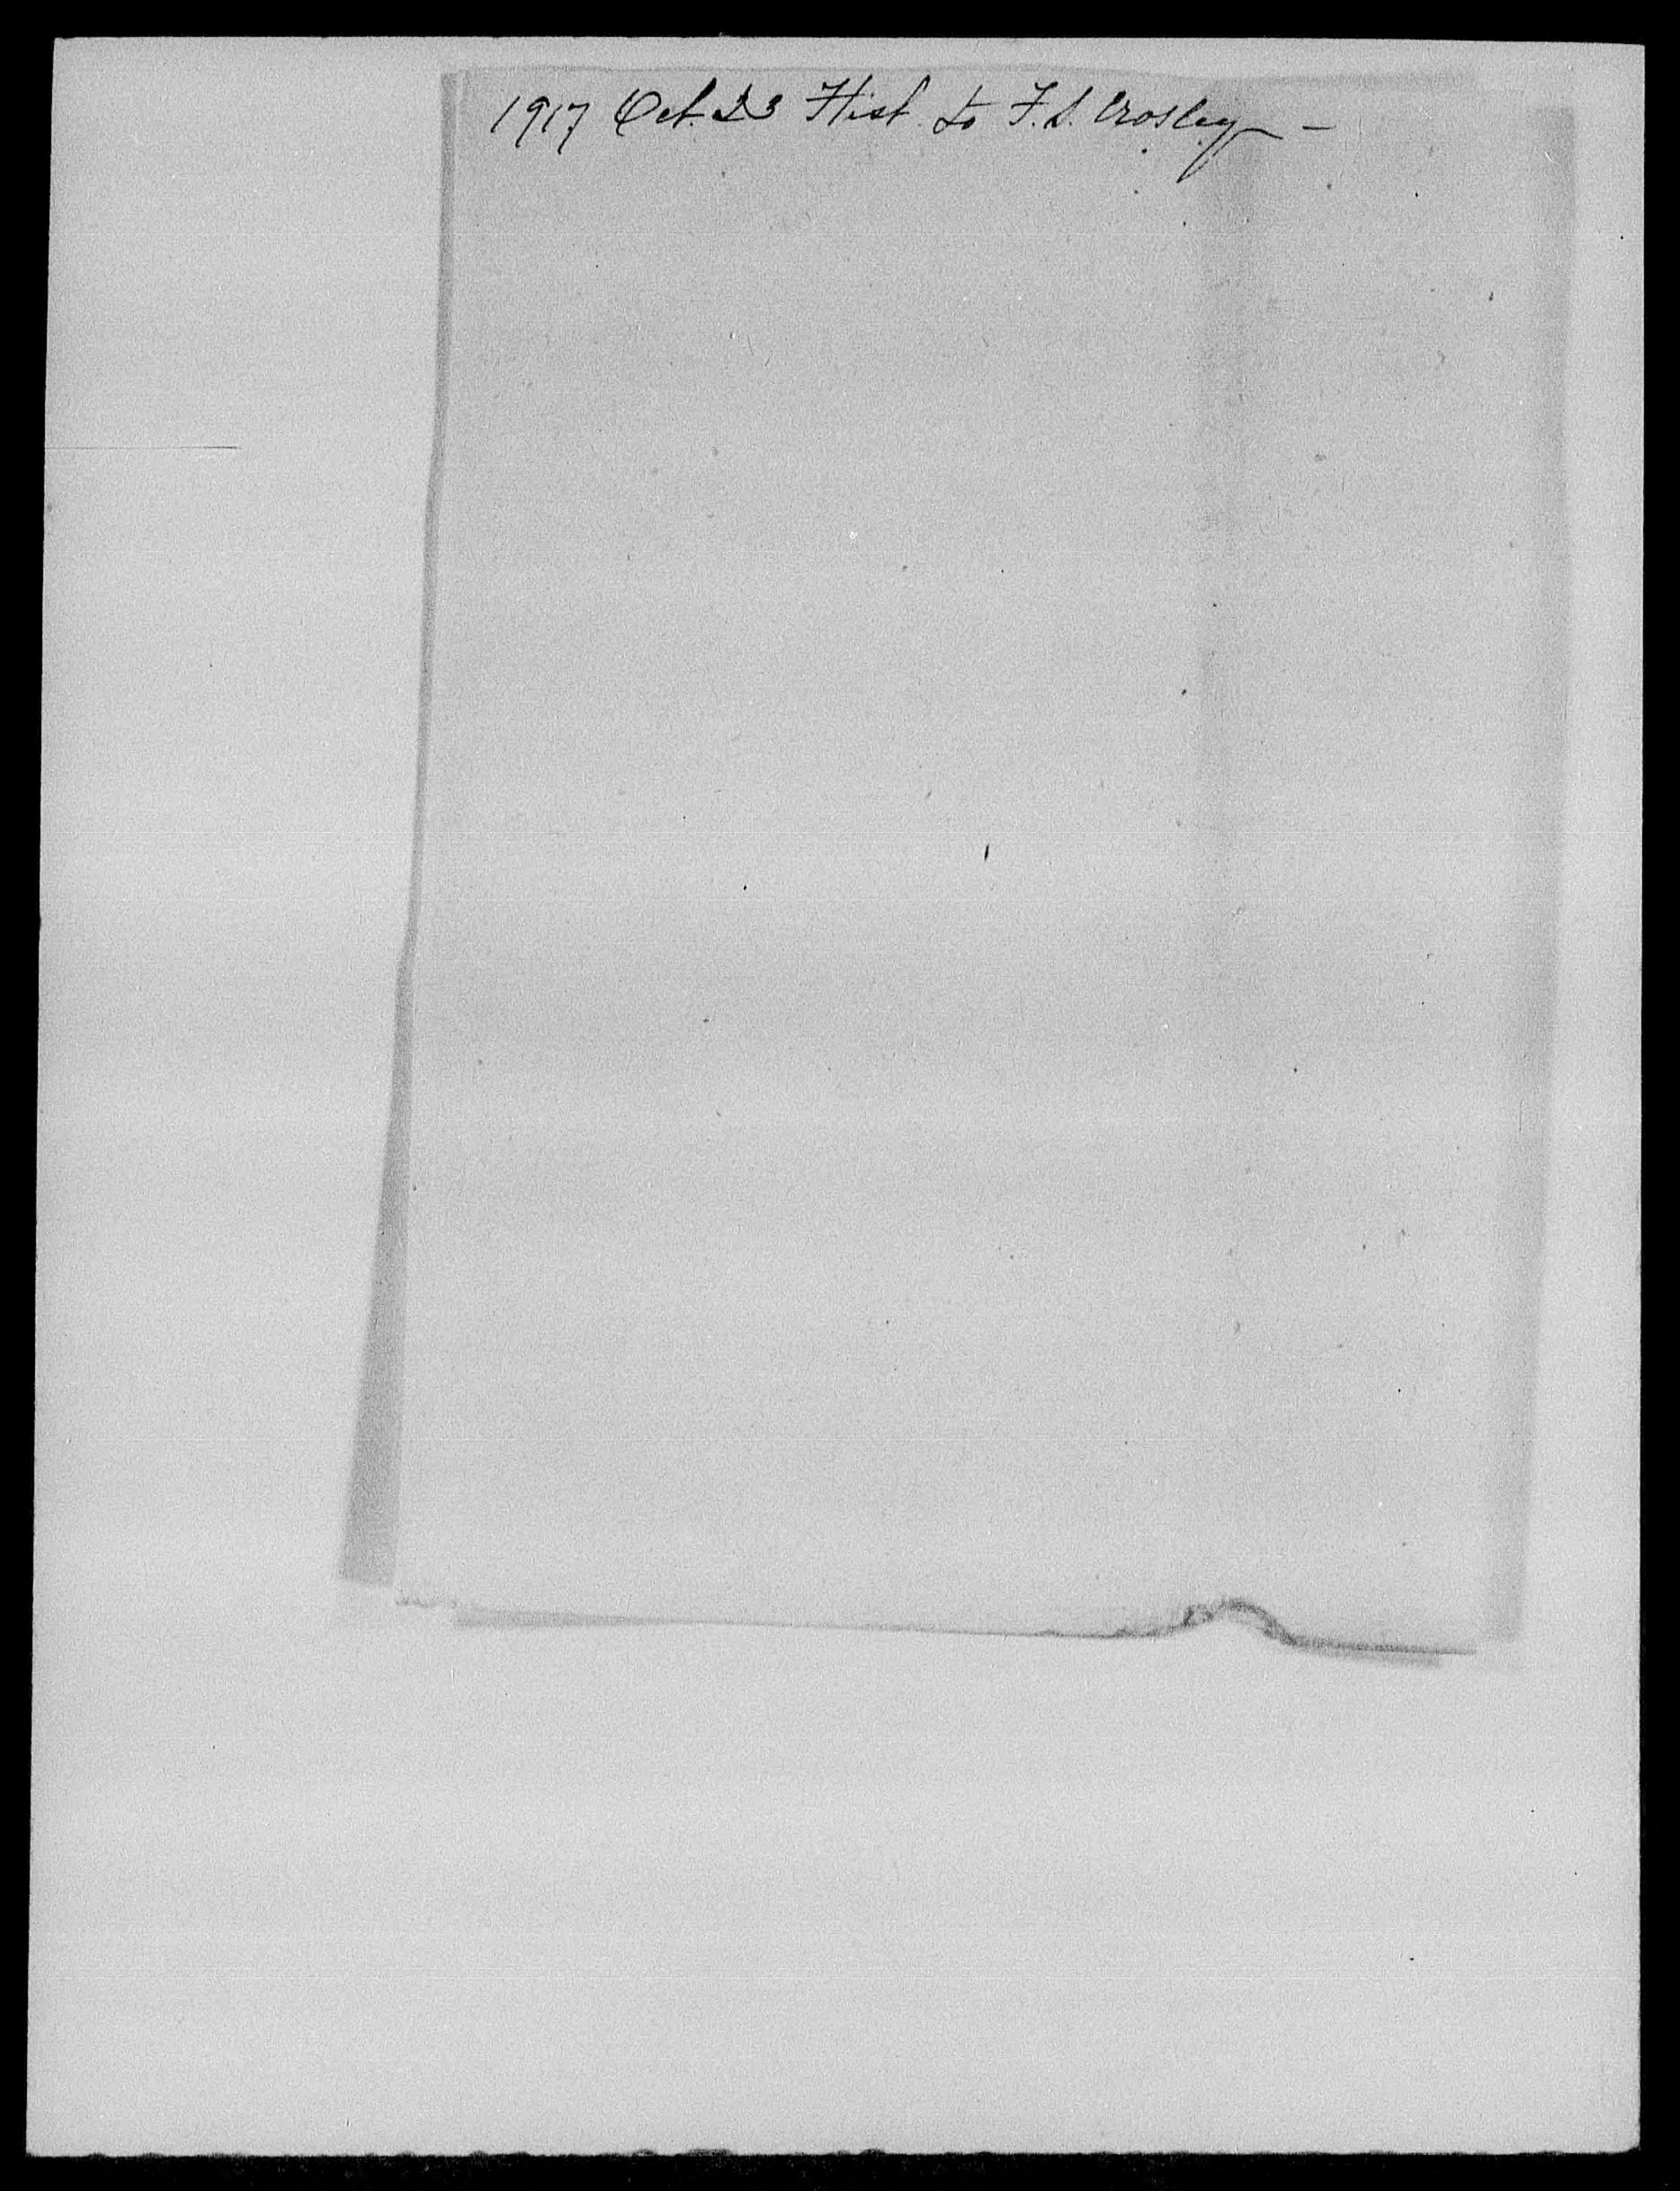1917 Oct 23 Hist to F.S. Crosley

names: F S Crosley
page: 21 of 37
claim: rejected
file: R. 2516, Moses Crosley, Md.